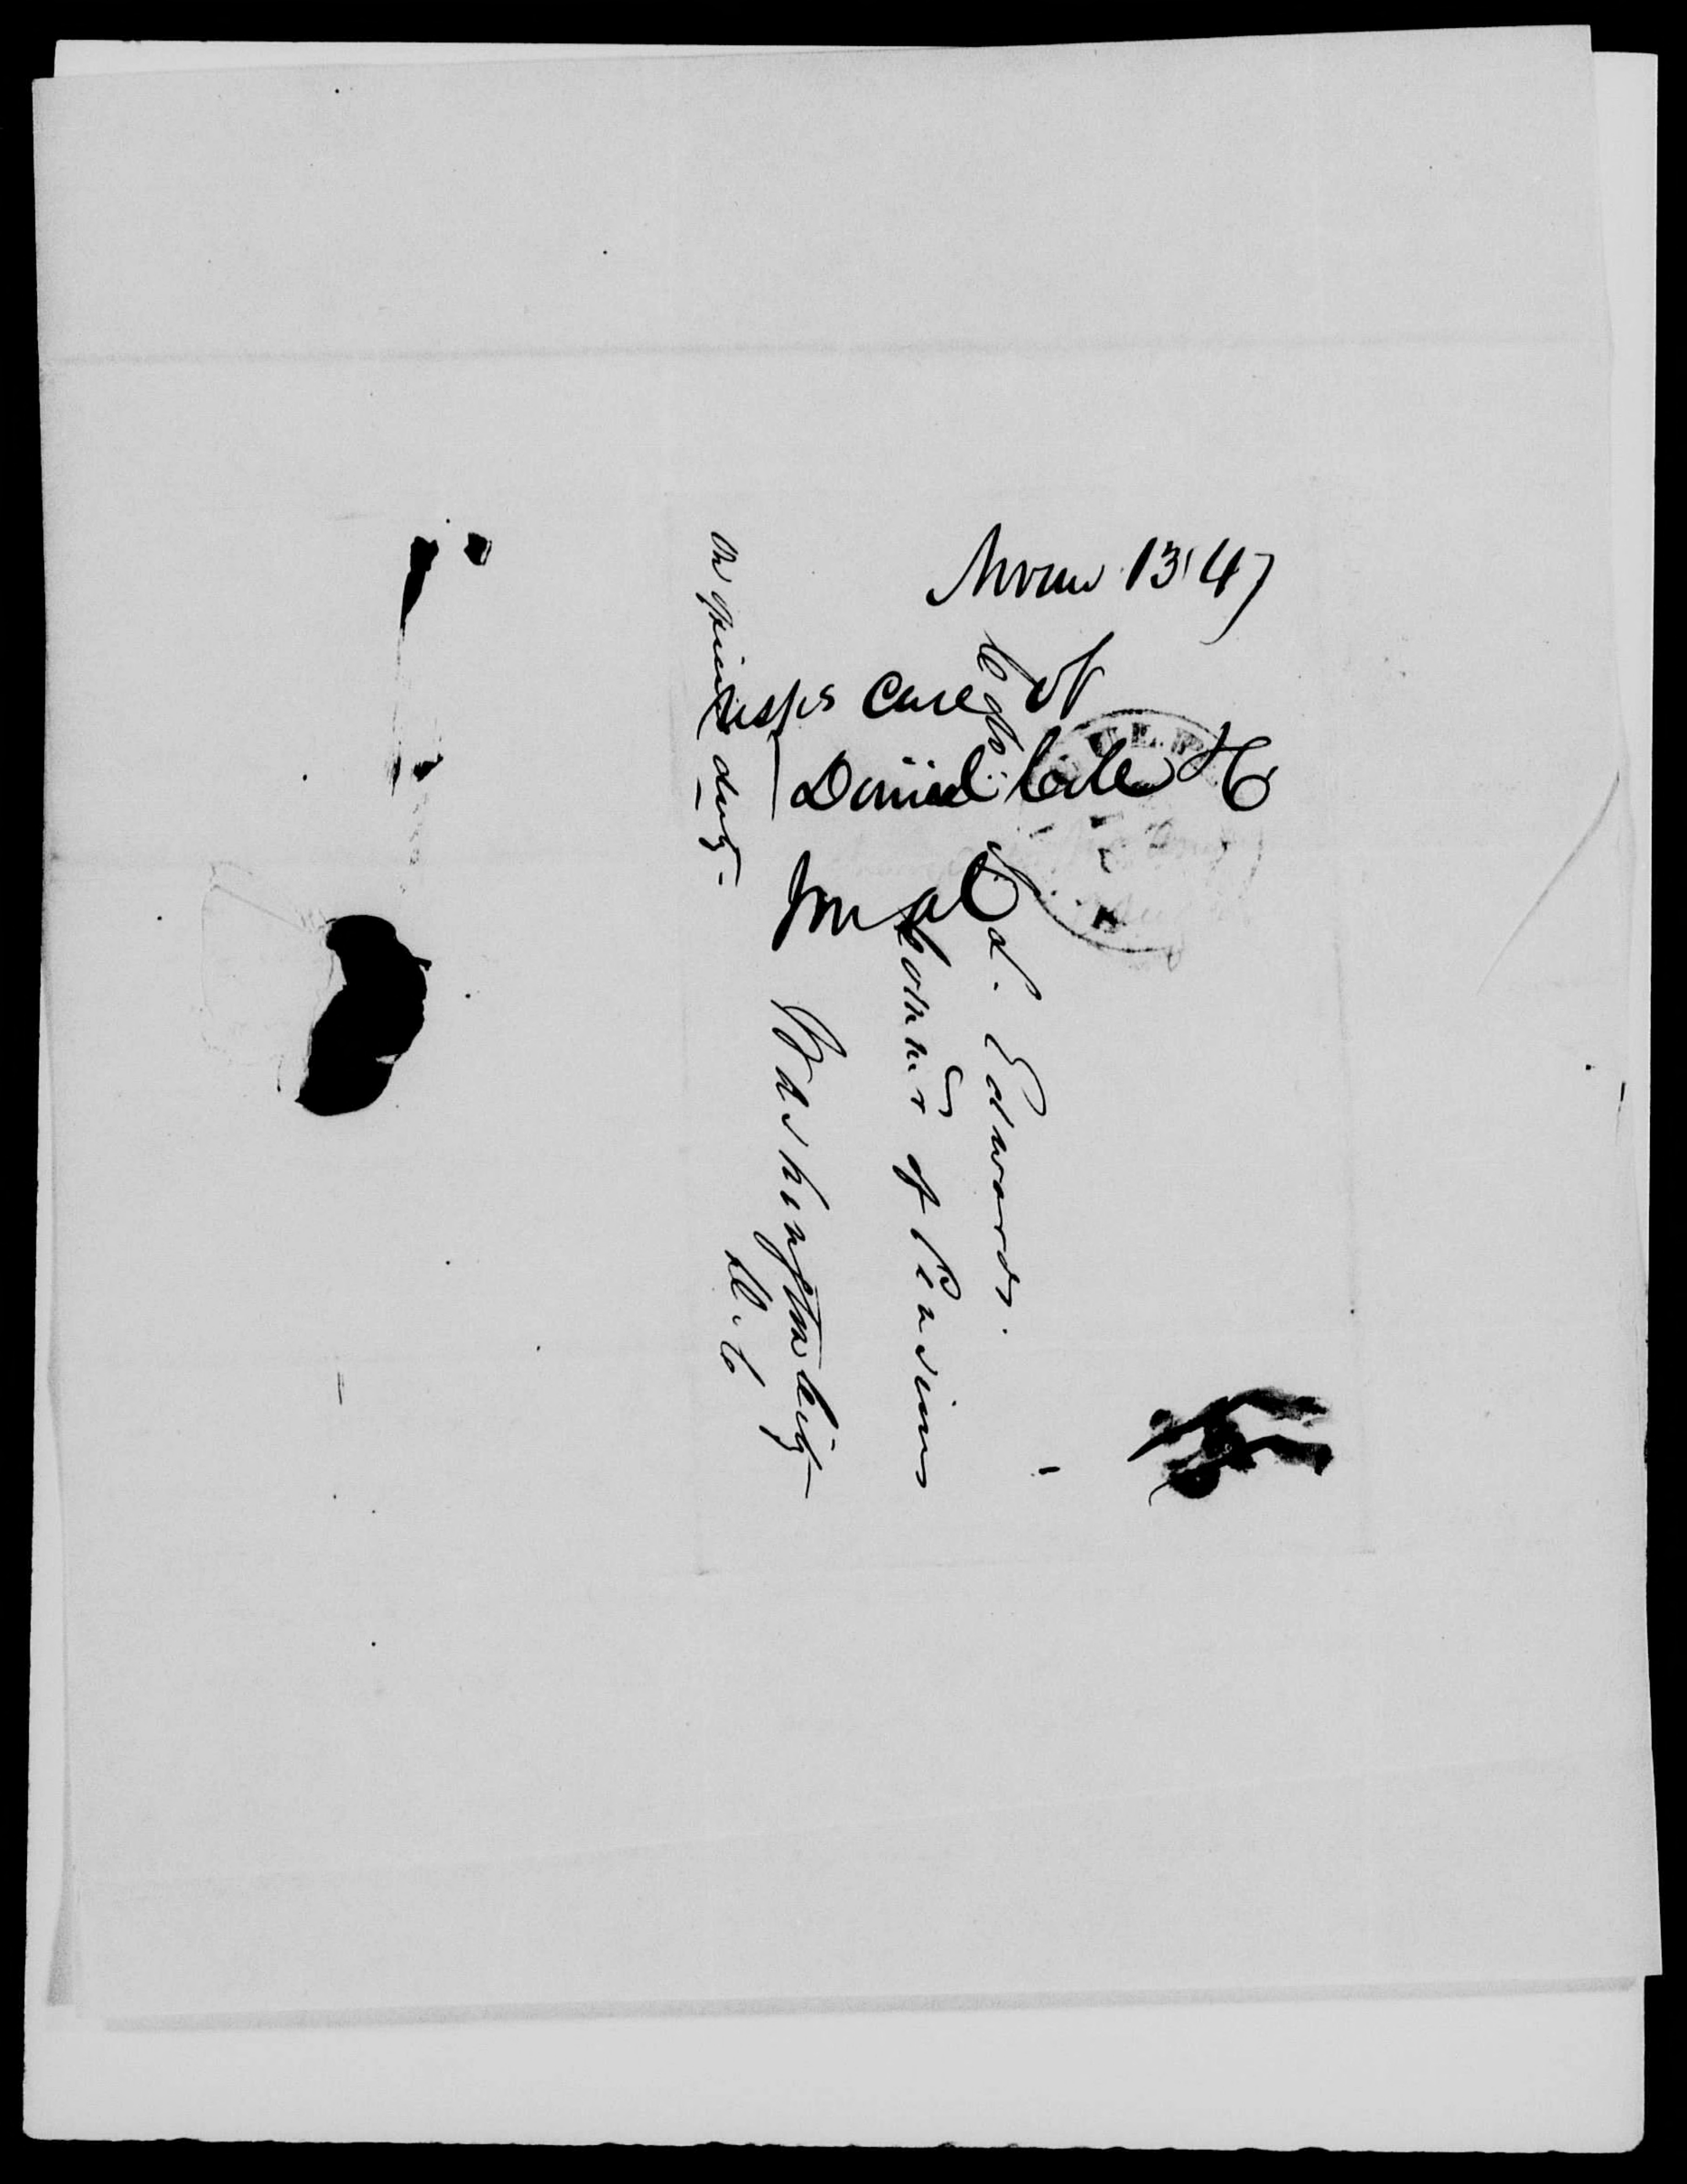[illegible]  J. L. Edwards
Comm [Commissioner] of Pensions
Washington D. C.

on official duty
[postmark] [illegible]

Review 13147

Case of Daniel Cole
[illegible]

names: Daniel Cole, J L Edwards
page: 40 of 61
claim: survivor's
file: S. 8236, Daniel Cole, Va.